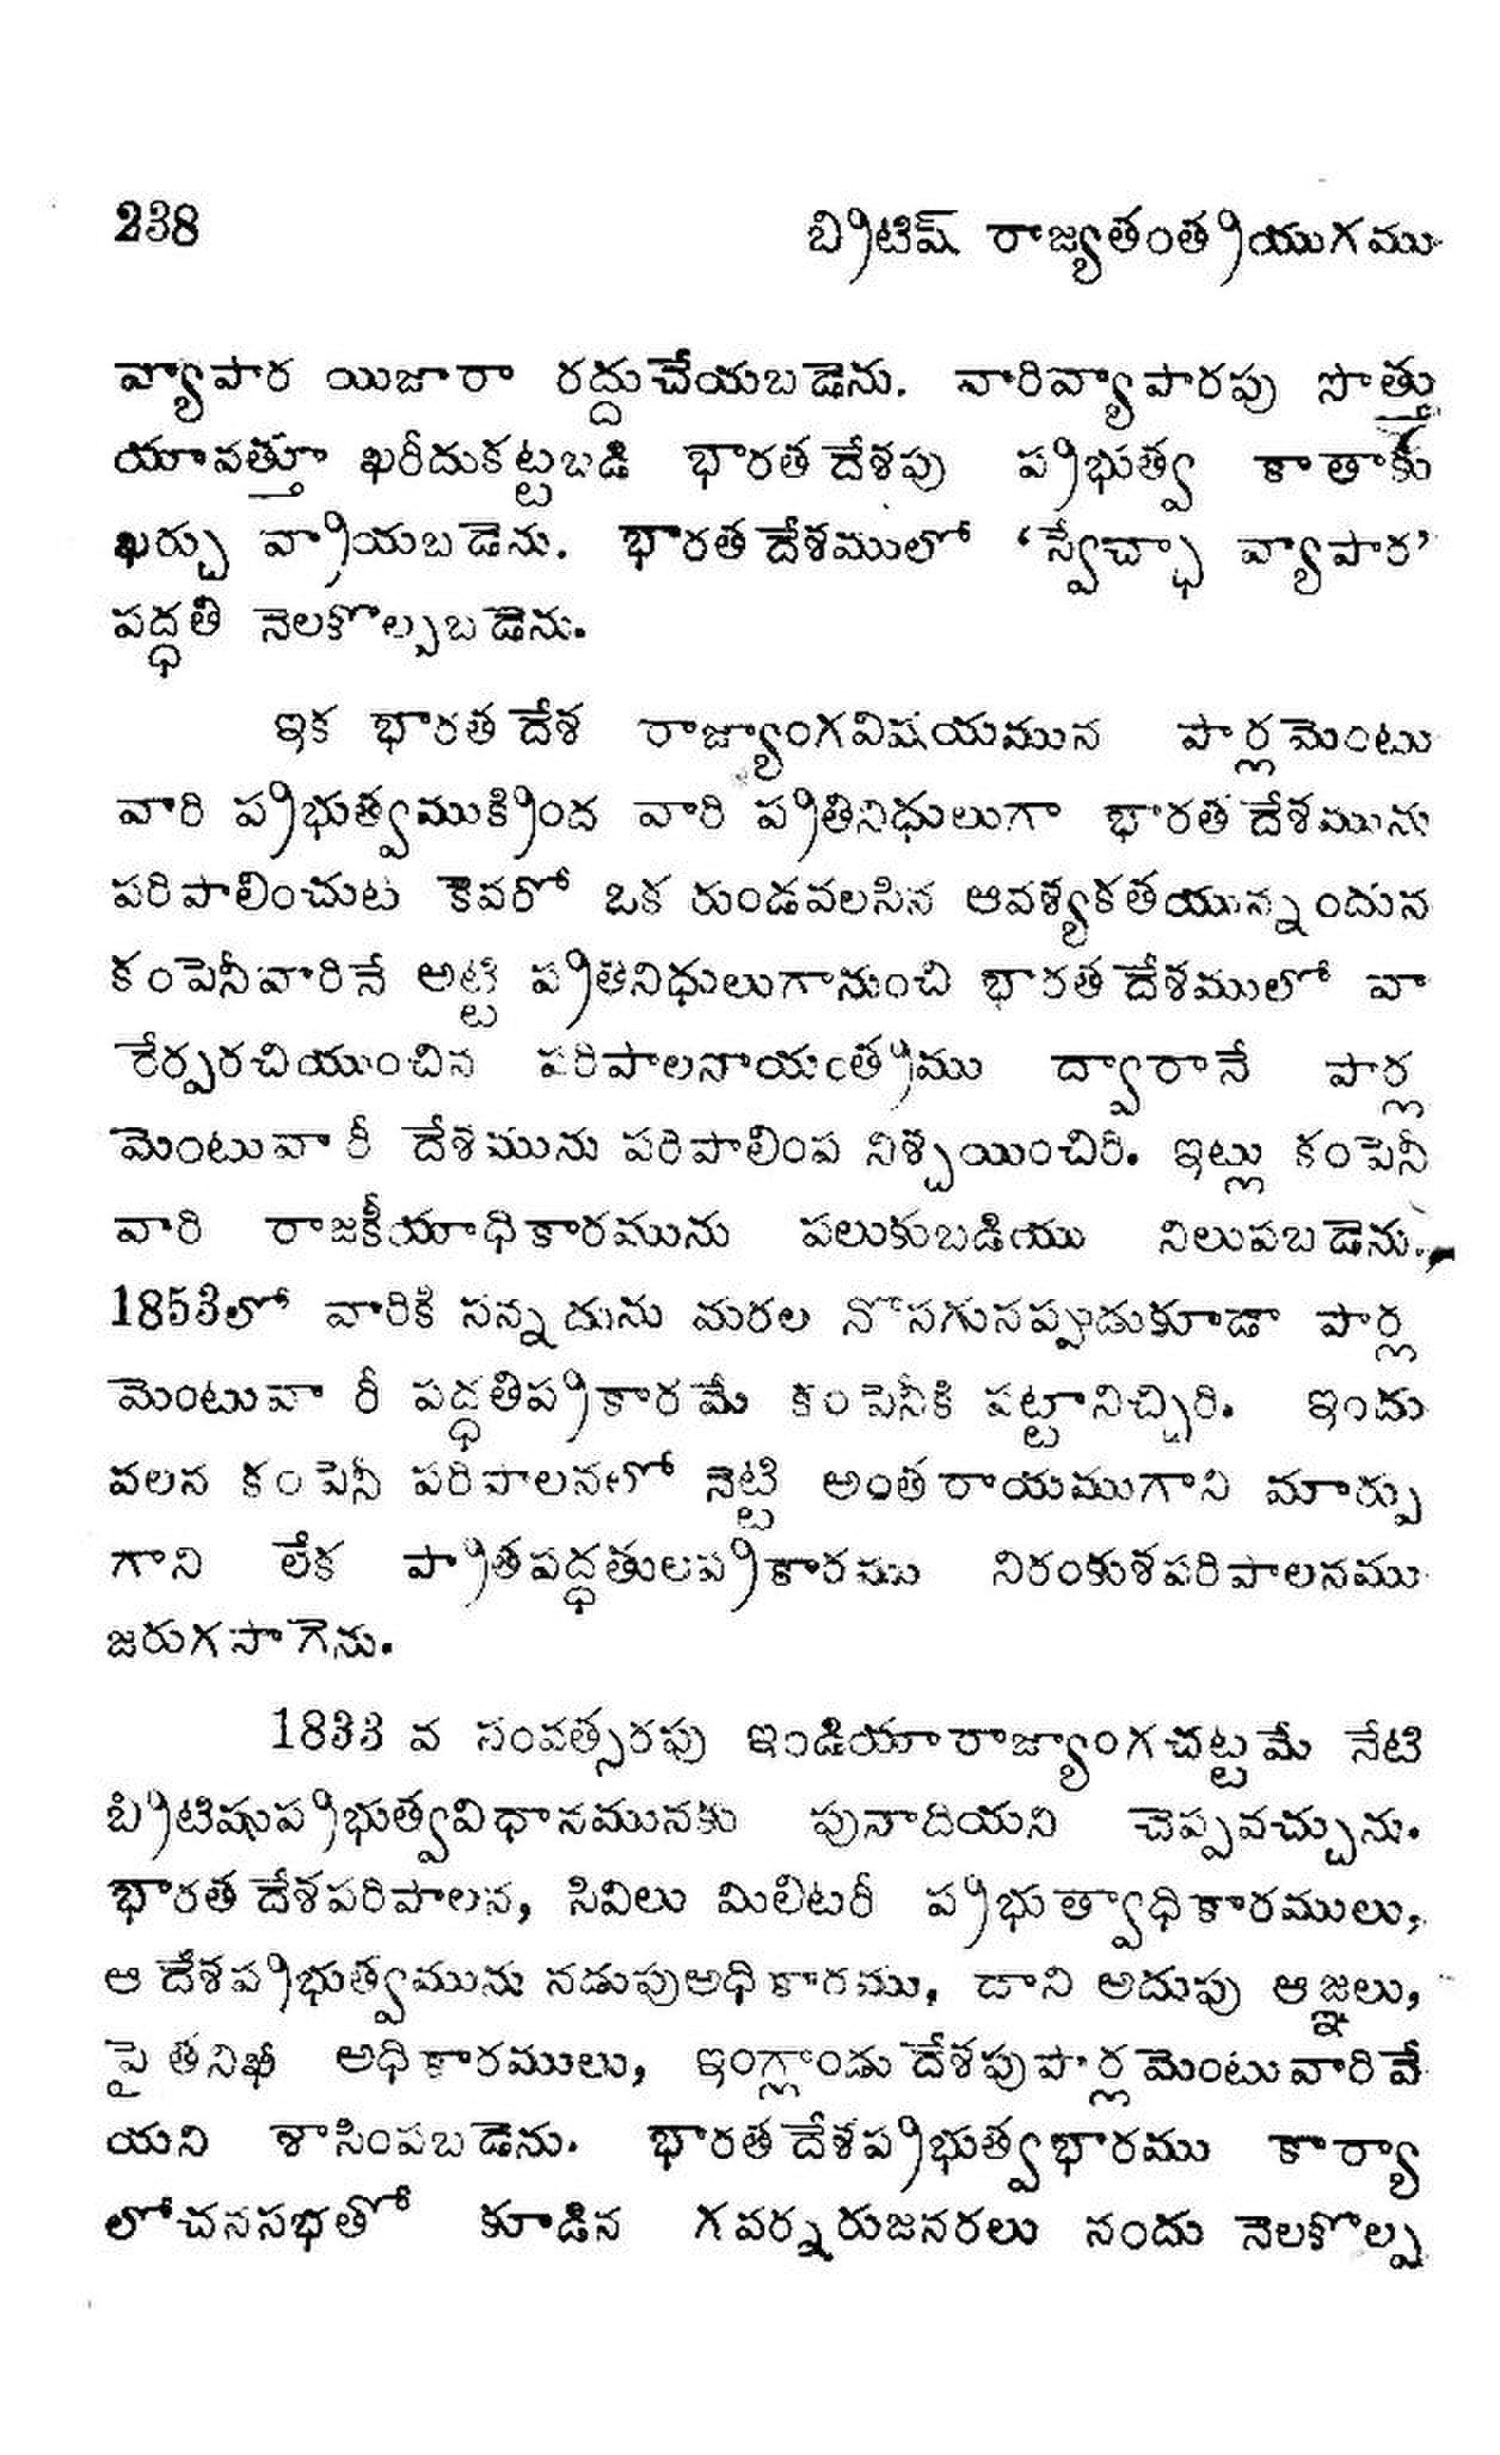వ్యాపార యిజారా రద్దుచేయబడెను. నారివ్యాపారపు సొత్తుయావత్తూ ఖరీదుకట్టబడి భారతదేశపు ప్రభుత్వ కాతాకు ఖర్చు వ్రాయబడెను. భారతదేశములో 'స్వేచ్ఛా వ్యాపార' పద్ధతి నెలకొల్పబడెను.

ఇక భారతదేశ రాజ్యాంగవిషయమున పార్లమెంటువారి ప్రభుత్వముక్రింద వారి ప్రతినిధులుగా భారతదేశమును పరిపాలించుట కెవరో ఒక రుండవలసిన ఆవశ్యకతయున్నందున కంపెనీవారినే అట్టి ప్రతినిధులుగానుంచి భారతదేశములో వా రేర్పరచియుంచిన పరిపాలనాయంత్రము ద్వారానే పార్లమెంటువారీ దేశమును పరిపాలింప నిశ్చయించిరి. ఇట్లు కంపెనీవారి రాజకీయాధికారమును పలుకుబడియు నిలుపబడెను. 1853లో వారికి సన్నదును మరల నొసగునప్పుడుకూడా పార్లమెంటువా రీ పద్ధతిప్రకారమే కంపెనీకి పట్టానిచ్చిరి. ఇందువలన కంపెనీ పరిపాలనలో నెట్టి అంతరాయముగాని మార్పుగాని లేక ప్రాతపద్ధతులప్రకారము నిరంకుశపరిపాలనము జరుగసాగెను.

1833 వ సంవత్సరపు ఇండియారాజ్యాంగచట్టమే నేటి బ్రిటిషుప్రభుత్వవిధానమునకు పునాదియని చెప్పవచ్చును.
భారతదేశపరిపాలన, సివిలు మిలిటరీ ప్రభుత్వాధికారములు, ఆ దేశప్రభుత్వమును నడుపుఅధికారము, దాని అదుపు ఆజ్ఞలు, పై తనిఖీ అధికారములు, ఇంగ్లాండుదేశపుపార్లమెంటువారివే యని శాసింపబడెను. భారతదేశప్రభుత్వభారము కార్యాలోచనసభతో కూడిన గవర్నరుజనరలు నందు నెలకొల్ప